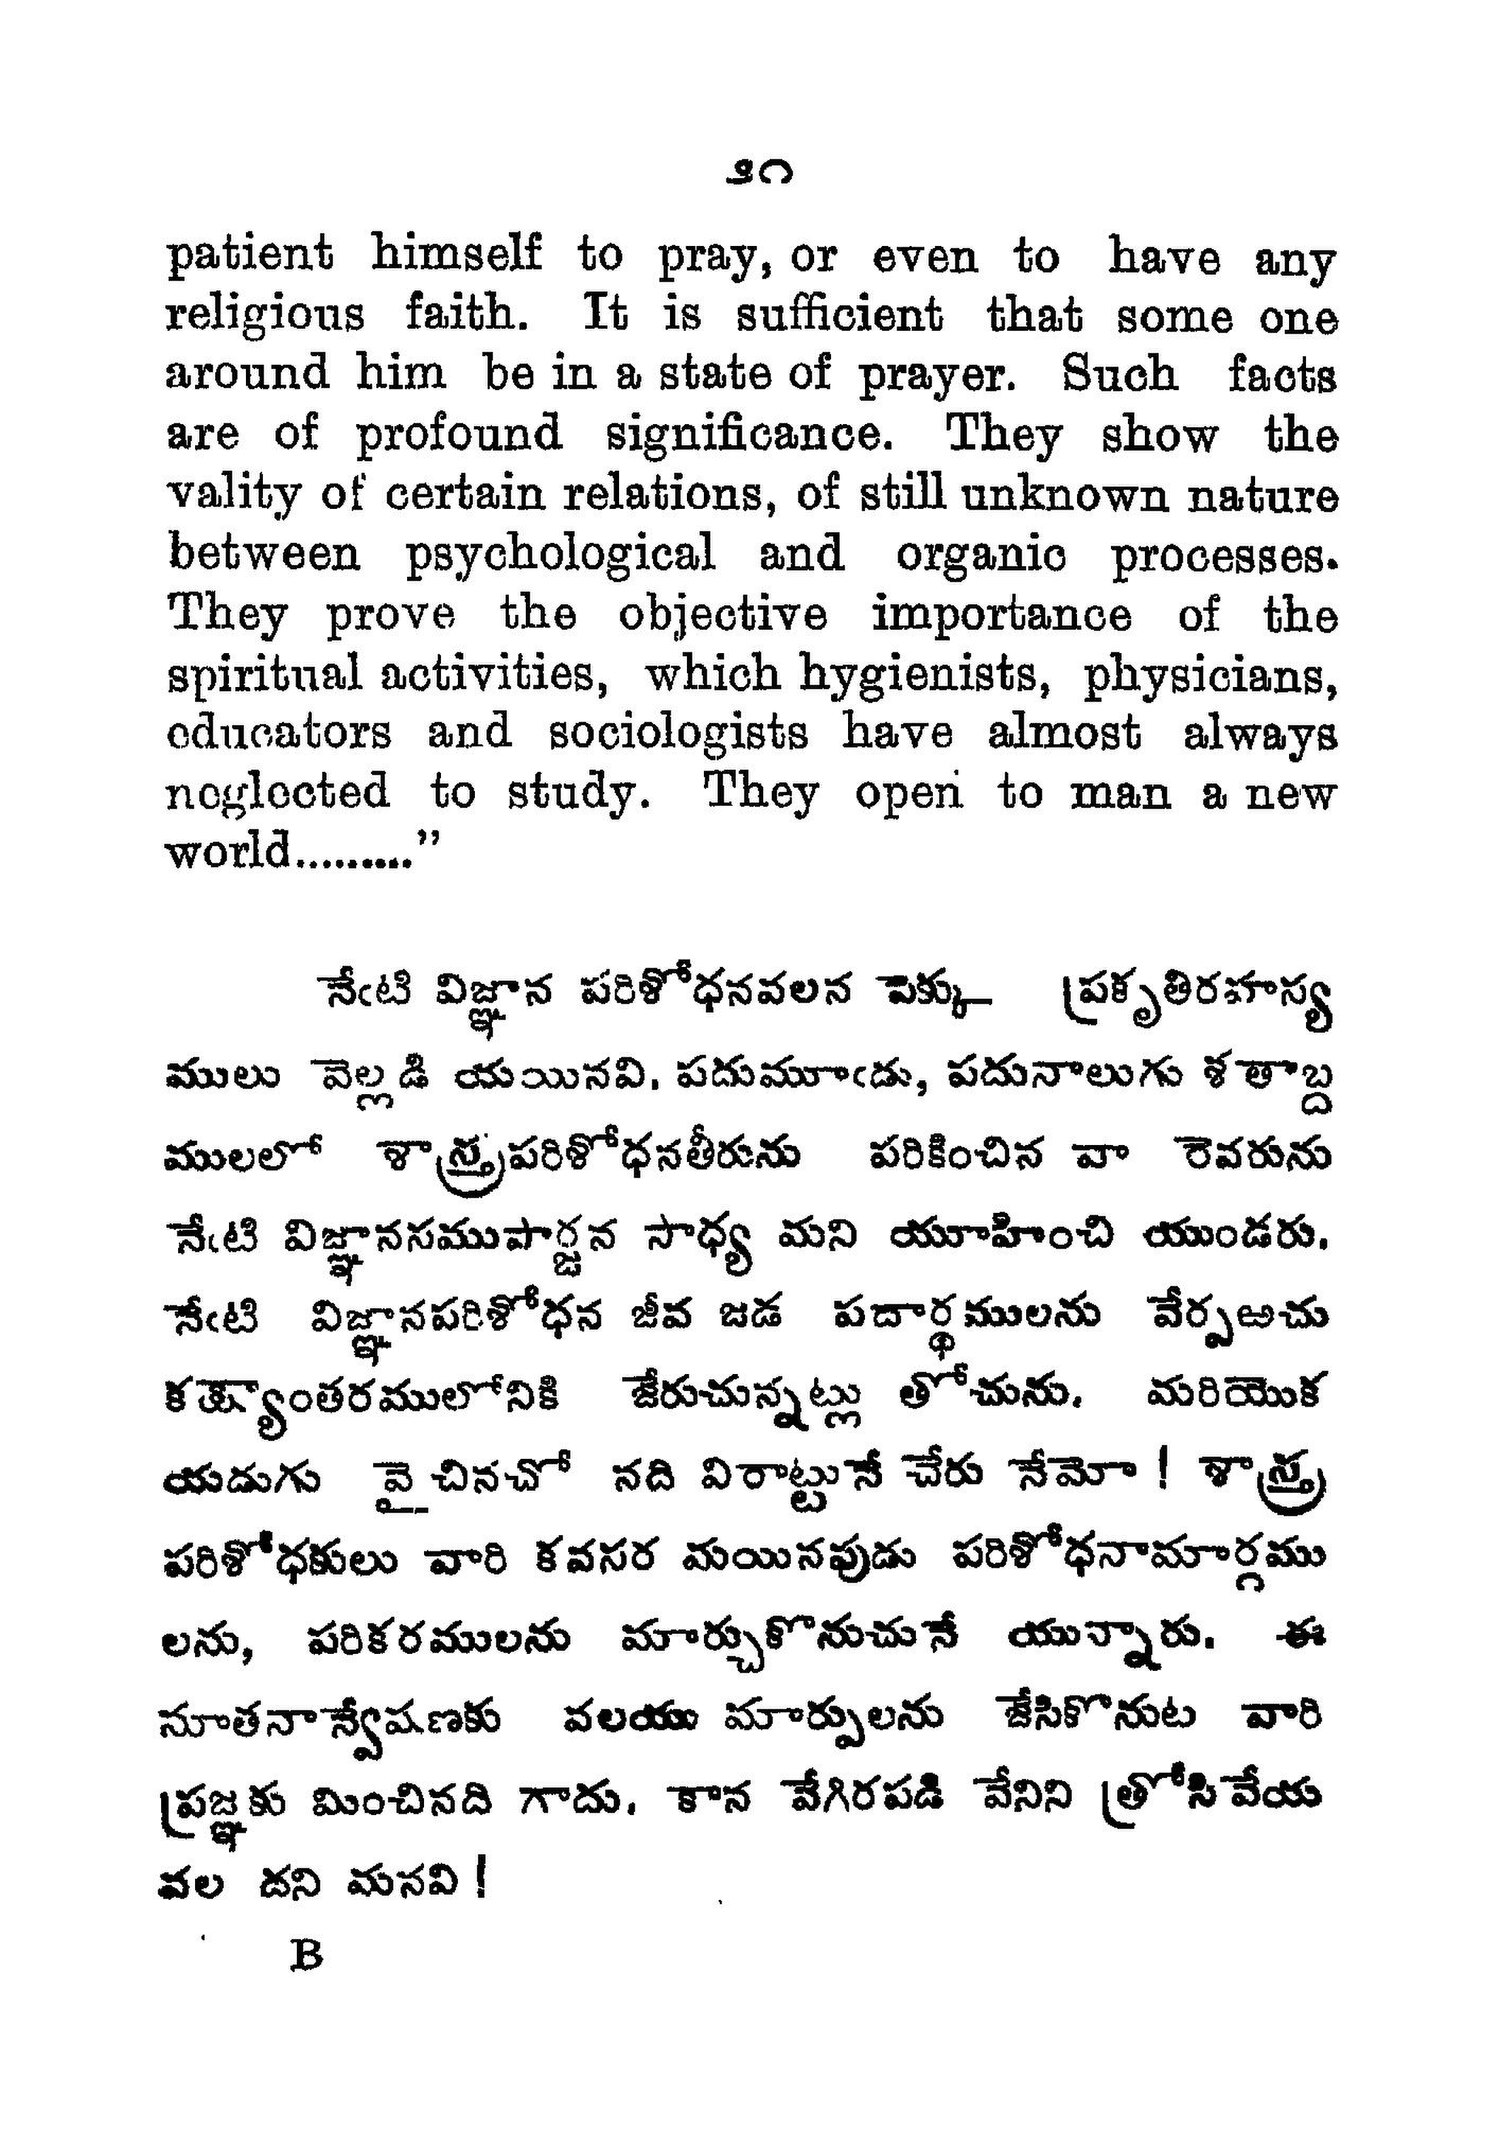patient himself to pray, or even to have any religious faith. It is sufficient that some one around him be in a state of prayer. Such facts are of profound significance. They show the vality of certain relations, of still unknown nature between psychological and organic processes. They prove the objective importance of the spiritual activities, which hygienists, physicians, educators and sociologists have almost always neglected to study. They open to man a new world....." 

 నేఁటి విజ్ఞాన పరిశోధనవలన పెక్కు ప్రకృతిరహస్యములు వెల్లడి యయినవి. పదమూఁడు, పదునాలుగు శతాబ్దములలో శాస్త్రపరిశోధనతీరును పరికించిన వా రెవరును నేఁటి విజ్ఞానసముపార్జన సాధ్య మని యూహించి యుండరు. నేఁటి విజ్ఞానపరిశోధన జీవ జడ పదార్థములను వేర్పఱచు కక్ష్యాంతరములోనికి జేరుచున్నట్లు తోచును. మరియొక యడుగు వైచినచో నది విరాట్టునే చేరు నేమో! శాస్త్ర పరిశోధకులు వారి కవసర మయినపుడు పరిశోధనామార్గములను, పరికరములను మార్చుకొనుచునే యున్నారు. ఈ నూతనాన్వేషణకు వలయు మార్పులను జేసికొనుట వారి ప్రజ్ఞకు మించినది గాదు. కాన వేగిరపడి వేనిని త్రోసివేయవల దని మనవి!